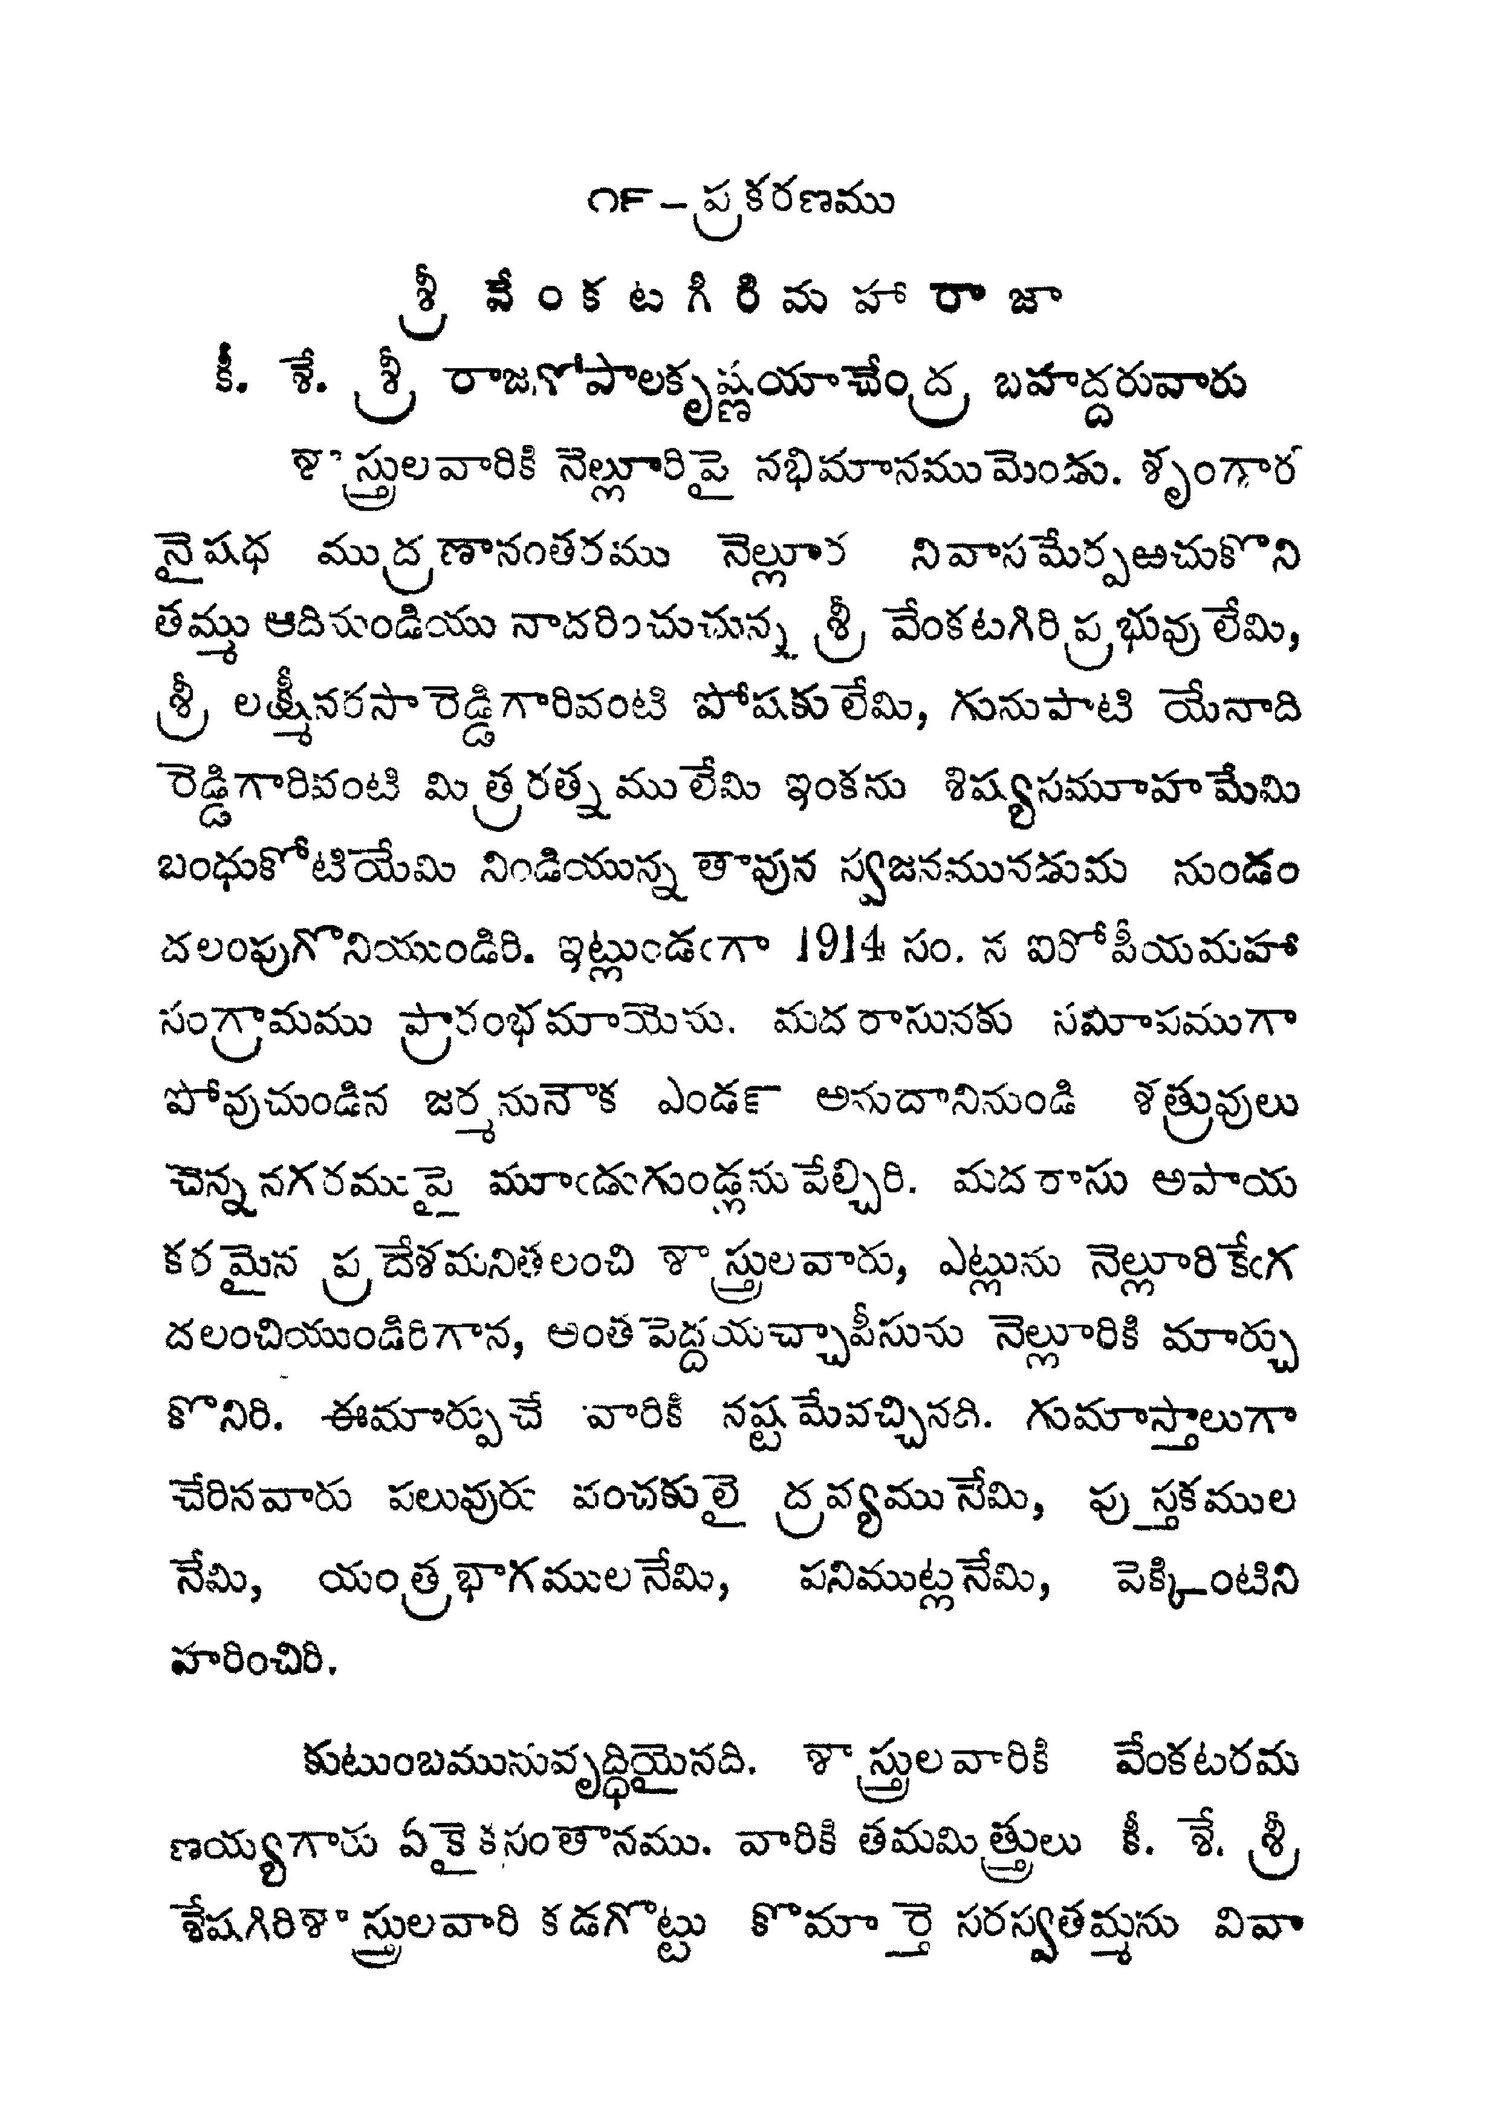శాస్త్రులవారికి నెల్లూరిపై నభిమానముమెండు. శృంగారనైషధ ముద్రణానంతరము నెల్లూర నివాసమేర్పఱుచుకొని తమ్ము ఆదినుండియు నాదరించుచున్న శ్రి వేంకటగిరిప్రభువు లేమి, శ్రీ లక్ష్మీనరసారెడ్డిగారివంటి పోషకులేమి, గునుపాటి యేనాది రెడ్డిగారివంటి మిత్రరత్నములేమి ఇంకను శిష్యసమూహమేమి బంధుకోటియేమి నిండియున్న తావున స్వజనమునడుమ నుండం దలంపుగొనియుండిరి. ఇట్లుండగా 1914 సం. న ఐరోపీయ మహాసంగ్రామము ప్రారంభమాయెను. మదరాసునకు సమీపముగా పోవుచుండిన జర్మనునౌక ఎండన్ అనుదానినుండి శత్రువులు చెన్ననగరముపై మూడుగుండ్లనుపేల్చిరి. మదరాసు అపాయకరమైన ప్రదేశమనితలంచి శాస్త్రులవారు, ఎట్లును నెల్లూరికేగ దలంచియుండిరి గాన, అంత పెద్దయచ్చాపీసును నెల్లూరికి మార్చుకొనిరి. ఈమార్పుచే వారికి నష్టమేవచ్చినది. గుమాస్తాలుగా చేరినవారు పలువురు వంచకులై ద్రవ్యమునేమి, పుస్తకముల నేమి, యంత్రభాగములనేమి, పనిముట్లనేమి, పెక్కింటిని హరించిరి.

కుటుంబమునువృద్ధియైనది. శాస్త్రులవారికి వేంకటరమణయ్యగారు ఏకైకసంతానము. వారికి తమమిత్త్రులు కీ.శే.శ్రీ శేషగిరిశాస్త్రులవారి కడగొట్టు కొమార్తె సరస్వతమ్మను వివా